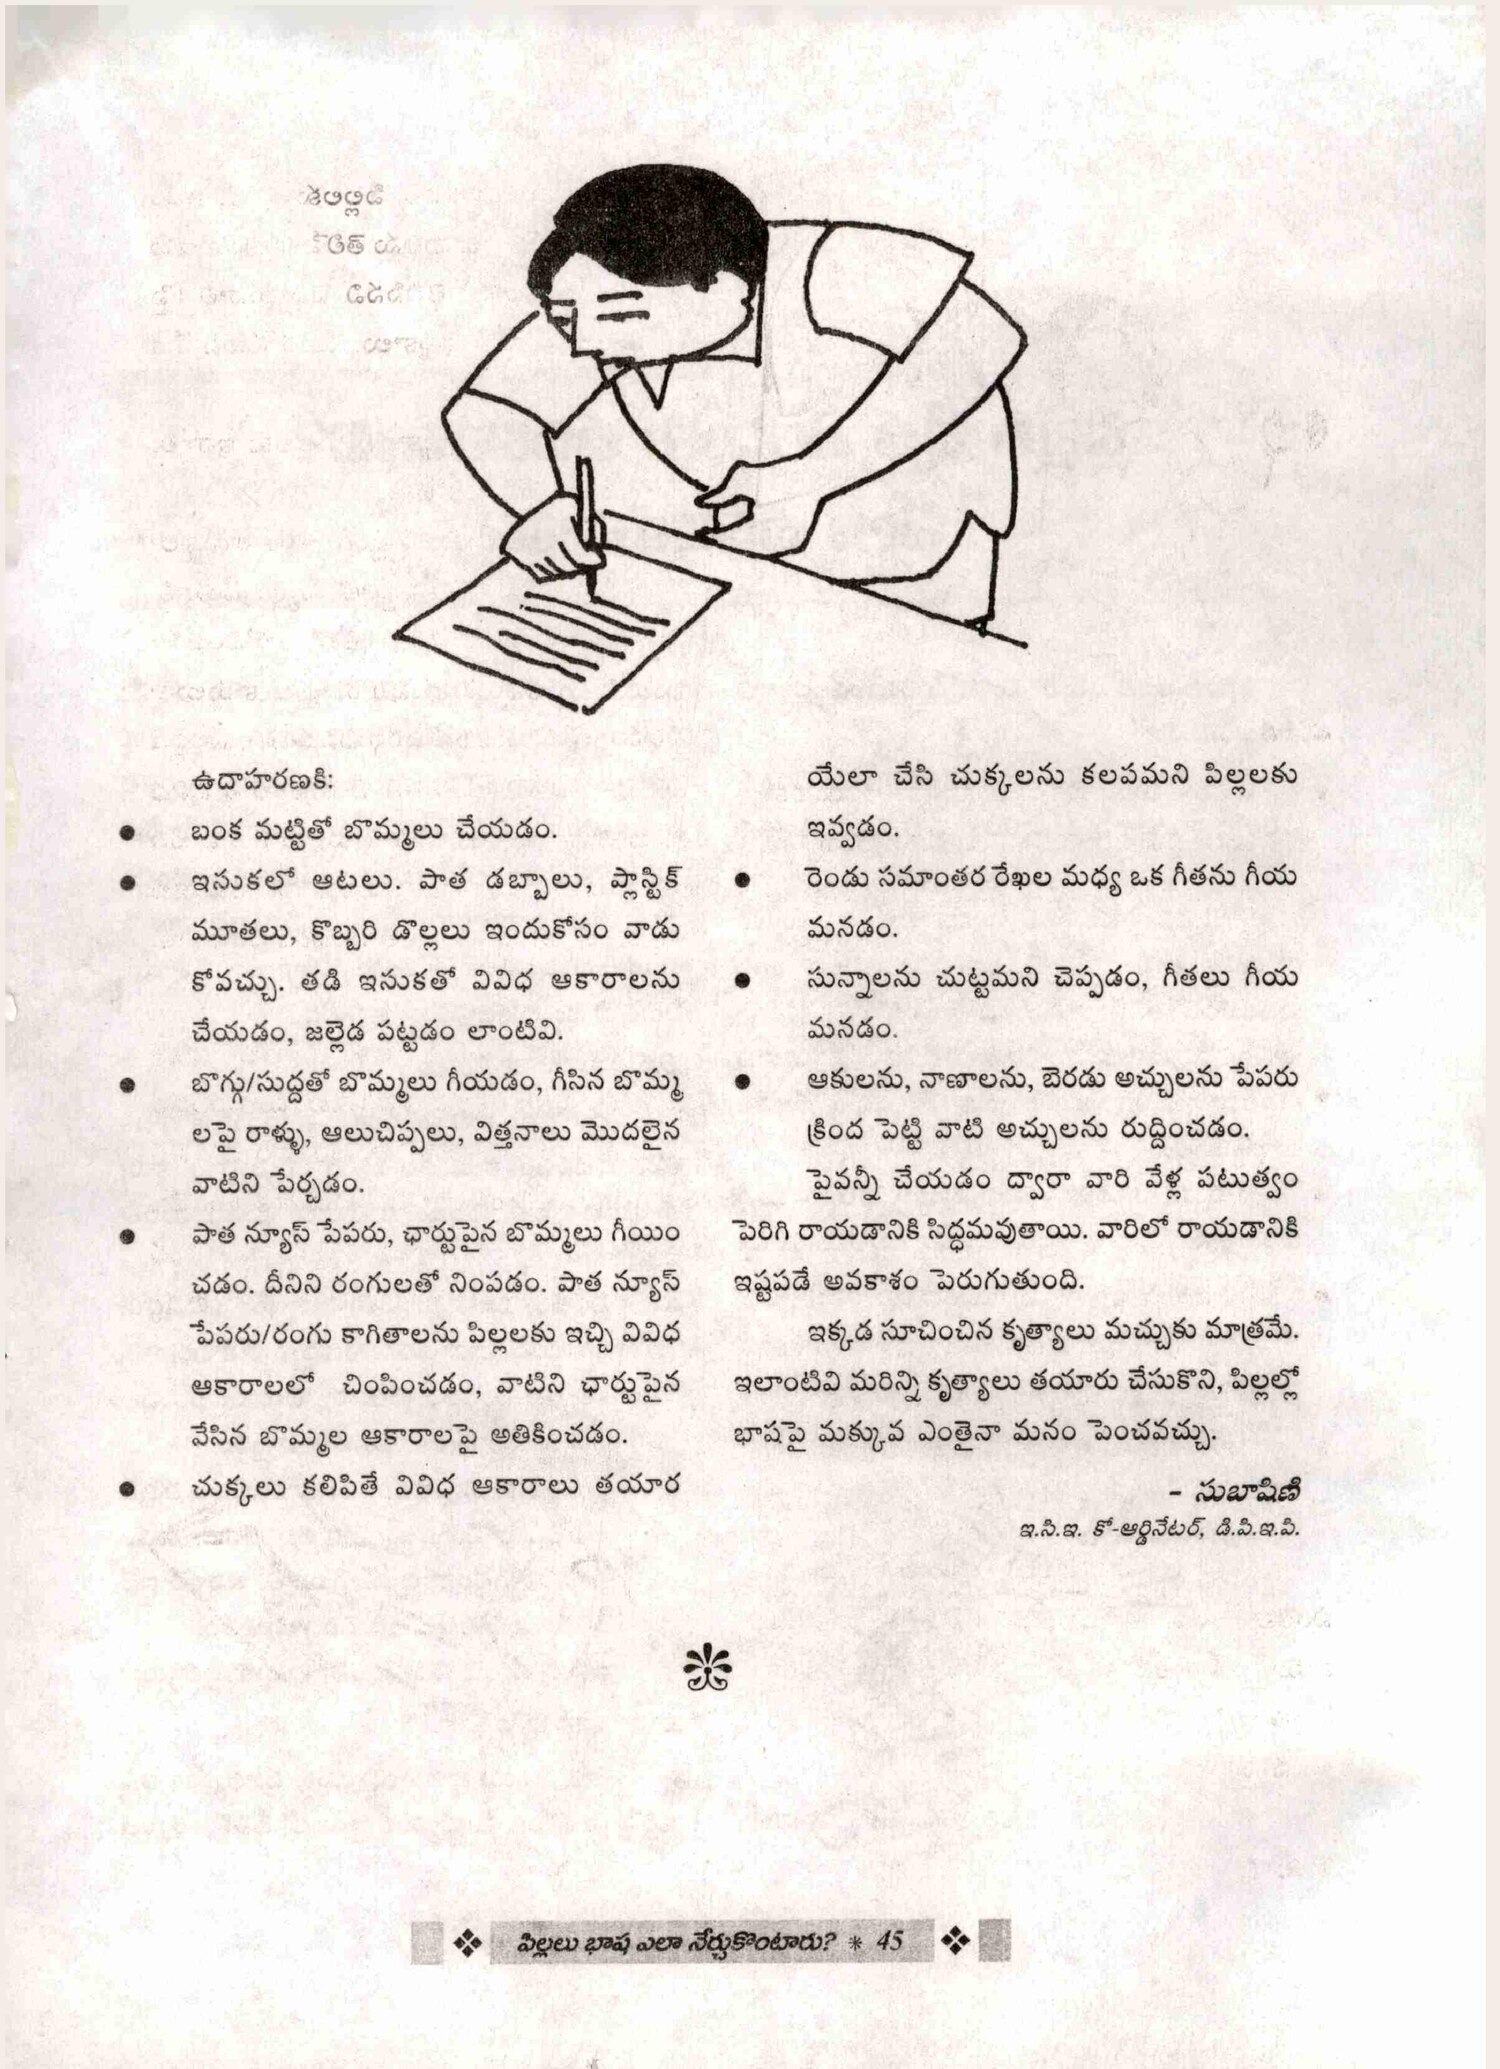ఉదాహరణకి:

● బంక మట్టితో బొమ్మలు చేయడం.

● ఇసుకలో ఆటలు. పాత డబ్బాలు, ప్లాస్టిక్ మూతలు, కొబ్బరి డొల్లలు ఇందుకోసం వాడుకోవచ్చు. తడి ఇసుకతో వివిధ ఆకారాలను చేయడం, జల్లెడ పట్టడం లాంటివి.

● బొగ్గు/సుద్దతో బొమ్మలు గీయడం, గీసిన బొమ్మలపై రాళ్ళు, ఆలుచిప్పలు, విత్తనాలు మొదలైన వాటిని పేర్చడం.

● పాత న్యూస్ పేపరు, ఛార్టుపైన బొమ్మలు గీయించడం. దీనిని రంగులతో నింపడం. పాత న్యూస్ పేపరు/రంగు కాగితాలను పిల్లలకు ఇచ్చి వివిధ ఆకారాలలో చింపించడం, వాటిని ఛార్టుపైన వేసిన బొమ్మల ఆకారాలపై అతికించడం.

● చుక్కలు కలిపితే వివిధ ఆకారాలు తయారయేలా చేసి చుక్కలను కలపమని పిల్లలకు ఇవ్వడం.

● రెండు సమాంతర రేఖల మధ్య ఒక గీతను గీయమనడం.

● సున్నాలను చుట్టమని చెప్పడం, గీతలు గీయమనడం.

● ఆకులను, నాణాలను, బెరడు అచ్చులను పేపరు క్రింద పెట్టి వాటి అచ్చులను రుద్దించడం.

పైవన్నీ చేయడం ద్వారా వారి వేళ్ల పటుత్వం పెరిగి రాయడానికి సిద్దమవుతాయి. వారిలో రాయడానికి ఇష్టపడే అవకాశం పెరుగుతుంది.

ఇక్కడ సూచించిన కృత్యాలు మచ్చుకు మాత్రమే. ఇలాంటివి మరిన్ని కృత్యాలు తయారు చేసుకొని, పిల్లల్లో భాషపై మక్కువ ఎంతైనా మనం పెంచవచ్చు.